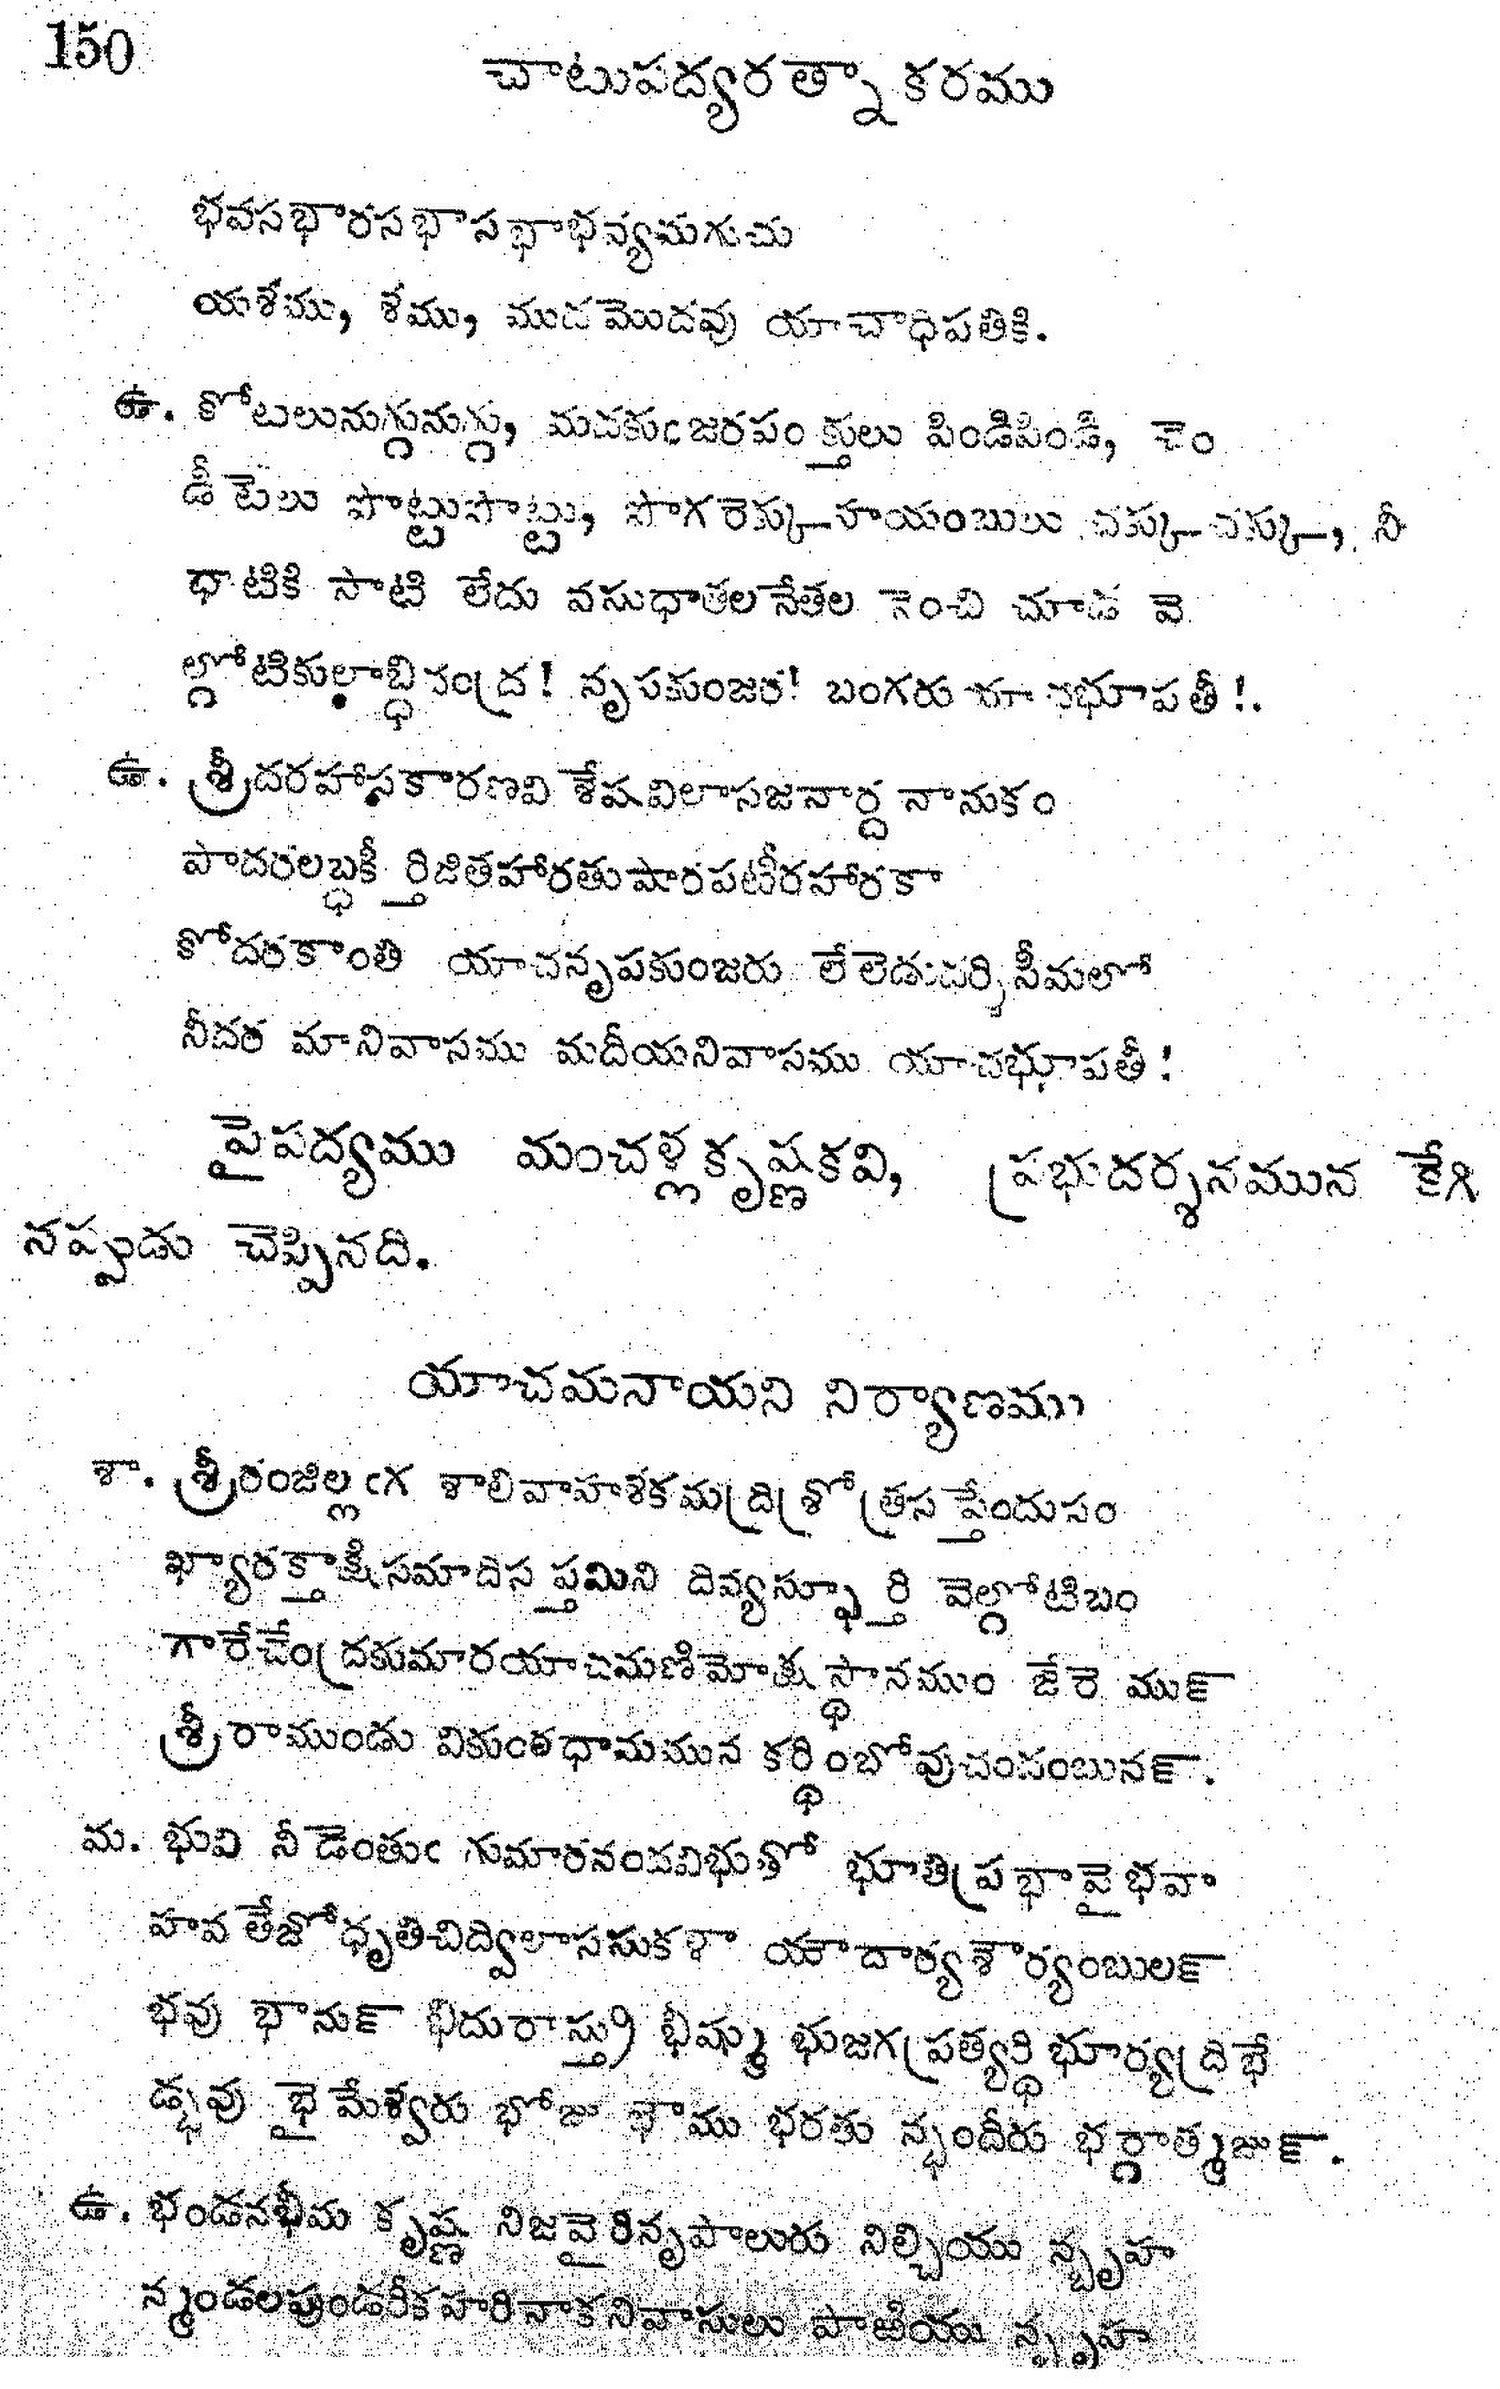భవసభారసభాసభాభవ్య మగుచు
 యశము, శము, ముదమొదవు యాచాధిపతికి.

ఉ. కోటలు నుగ్గునుగ్గు, మదకుందరపంక్తులు పిండిపిండి, చెం
 డీటెలు పొట్టుపొట్టు, పొగరెక్కుహయంబులు చక్కుచక్కు, నీ
 ధాటికి సాటి లేదు వసుధాతలనేతల నెంచి చూడ వె
 ల్గోటికులాబ్ధిచంద్ర! నృపకుంజర! బంగరుయాచభూపతీ!

ఉ. శ్రీదరహాసకారణవిశేషవిలాసజనార్దనానుకం
 పాదరలబ్ధకీర్తిజితహారతుషారపటీరహారకా
 కోదరకాంతి యాచనృపకుంజరు లేలెడు దర్శిసీమలో
 నీదర మానివాసము మదీయనివాసము యాచభూపతీ!

పైపద్యము మంచళ్ళకృష్ణకవి ప్రభుదర్శనమున కేగినప్పుడు చెప్పినది.

శా. శ్రీరంజిల్లఁగ శాలివాహశకమద్రిశ్రోత్రసప్తేందుసం
 ఖ్యారక్తాక్షిసమాదిసప్తమిని దివ్యస్ఫూర్తి వెల్గోటిబం
 గారేచేంద్రకుమారయాచమణిమోక్షస్థానముం జేరె మున్
 శ్రీరాముండు వికుంఠధామమున కర్థిం బోవు చందంబునన్.

మ. భువి నీడెంతుఁ గుమారనందవిభుతో భూతిప్రభావైభవా
 హవతేజోధృతిచిద్విలాససుకళాయౌదార్యశౌర్యంబులన్
 భవు భానున్ భిదురాస్త్రు భీష్ము భుజగప్రత్యర్థిభూర్యద్రిభే
 డ్భవు భైమేశ్వరు భోజు భౌము భరతు న్భందీరు భర్గాత్మజున్.

ఉ. భండనభీమ కృష్ణ నిజవైరినృపాలురు నిల్చియు న్బృహ
 న్మండలపుండరీకహరినాకనివాసులు పాఱియు న్బృహ